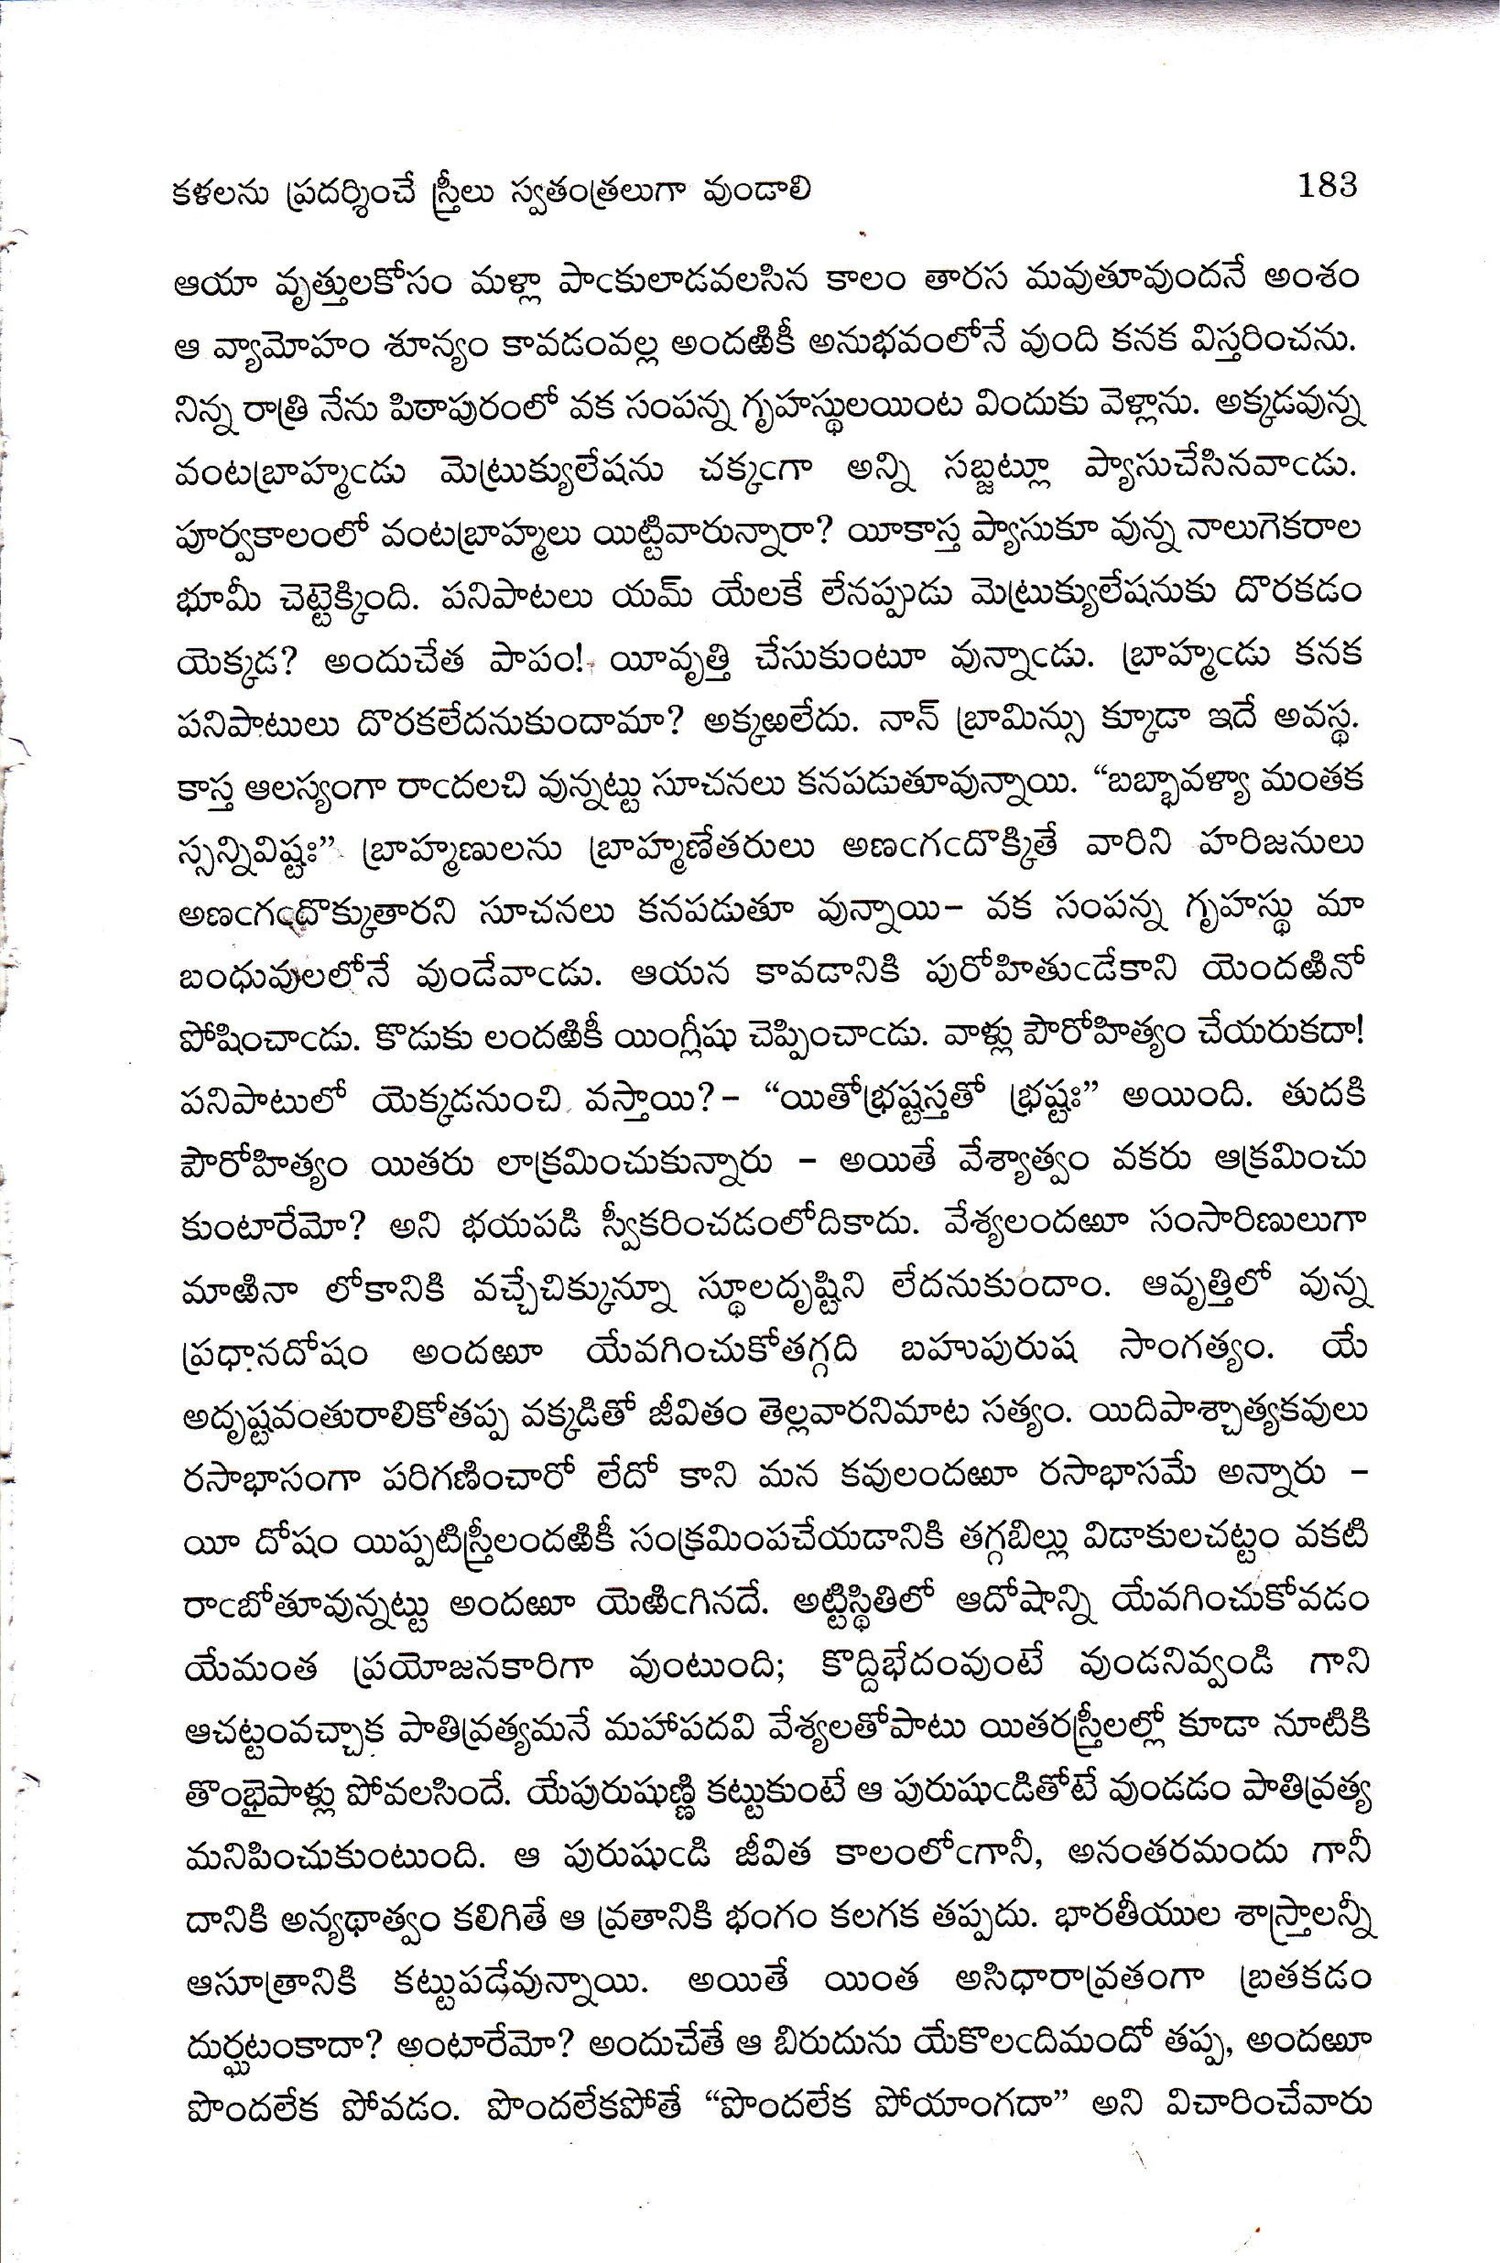ఆయా వృత్తులకోసం మళ్లా పాఁకులాడవలసిన కాలం తారస మవుతూవుందనే అంశం ఆ వ్యామోహం శూన్యం కావడంవల్ల అందఱికీ అనుభవంలోనే వుంది కనక విస్తరించను. నిన్న రాత్రి నేను పిఠాపురంలో వక సంపన్న గృహస్థులయింట విందుకు వెళ్లాను. అక్కడవున్న వంట బ్రాహ్మఁడు మెట్రుక్యులేషను చక్కఁగా అన్ని సబ్జట్లూ ప్యాసుచేసినవాఁడు. పూర్వకాలంలో వంటబ్రాహ్మలు యిట్టివారున్నారా? యీకాస్త ప్యాసుకూ వున్న నాలుగెకరాల భూమీ చెట్టెక్కింది. పనిపాటలు యమ్ యేలకే లేనప్పుడు మెట్రుక్యులేషనుకు దొరకడం యెక్కడ? అందుచేత పాపం! యీవృత్తి చేసుకుంటూ వున్నాఁడు. బ్రాహ్మఁడు కనక పనిపాటులు దొరకలేదనుకుందామా? అక్కఱలేదు. నాన్ బ్రామిన్సు కూడా ఇదే అవస్థ. కాస్త ఆలస్యంగా రాఁదలచి వున్నట్టు సూచనలు కనపడుతూవున్నాయి. "బబ్భావళ్యా మంతక స్సన్నివిష్టః" బ్రాహ్మణులను బ్రాహ్మణేతరులు అణఁగఁదొక్కితే వారిని హరిజనులు అణఁగఁదొక్కుతారని సూచనలు కనపడుతూ వున్నాయి- వక సంపన్న గృహస్టు మా బంధువులలోనే వుండేవాcడు. ఆయన కావడానికి పురోహితుఁడేకాని యెందఱినో పోషించాఁడు. కొడుకు లందఱికీ యింగ్లీషు చెప్పించాఁడు. వాళ్లు పౌరోహిత్యం చేయరుకదా! పనిపాటులో యెక్కడనుంచి వస్తాయి?- “యితో భ్రష్టస్తతో భ్రష్టః" అయింది. తుదకి పౌరోహిత్యం యితరు లాక్రమించుకున్నారు - అయితే వేశ్యాత్వం వకరు ఆక్రమించు కుంటారేమో? అని భయపడి స్వీకరించడంలోదికాదు. వేశ్యలందఱూ సంసారిణులుగా మాఱినా లోకానికి వచ్చేచిక్కున్నూ స్థూలదృష్టిని లేదనుకుందాం. ఆవృత్తిలో వున్న ప్రధానదోషం అందఱూ యేవగించుకోతగ్గది బహుపురుష సాంగత్యం. యే అదృష్టవంతురాలికోతప్ప వక్కడితో జీవితం తెల్లవారనిమాట సత్యం. యిదిపాశ్చాత్యకవులు రసాభాసంగా పరిగణించారో లేదో కాని మన కవులందఱూ రసాభాసమే అన్నారు - యీ దోషం యిప్పటిస్తీలందఱికీ సంక్రమింపచేయడానికి తగ్గబిల్లు విడాకులచట్టం వకటి రాఁబోతూవున్నట్టు అందఱూ యెఱిఁగినదే. అట్టిస్థితిలో ఆదోషాన్ని యేవగించుకోవడం యేమంత ప్రయోజనకారిగా వుంటుంది; కొద్దిభేదంవుంటే వుండనివ్వండి గాని ఆచట్టంవచ్చాక పాతివ్రత్యమనే మహాపదవి వేశ్యలతోపాటు యితరస్త్రీలల్లో కూడా నూటికి తొంభైపాళ్లు పోవలసిందే. యేపురుషుణ్ణి కట్టుకుంటే ఆ పురుషుఁడితోటే వుండడం పాతివ్రత్య మనిపించుకుంటుంది. ఆ పురుషుఁడి జీవిత కాలంలోఁగానీ, అనంతరమందు గానీ దానికి అన్యథాత్వం కలిగితే ఆ వ్రతానికి భంగం కలగక తప్పదు. భారతీయుల శాస్త్రాలన్నీ ఆసూత్రానికి కట్టుపడేవున్నాయి. అయితే యింత అసిధారావ్రతంగా బ్రతకడం దుర్ఘటంకాదా? అంటారేమో? అందుచేతే ఆ బిరుదును యేకొలఁదిమందో తప్ప, అందఱూ పొందలేక పోవడం. పొందలేకపోతే “పొందలేక పోయాంగదా” అని విచారించేవారు